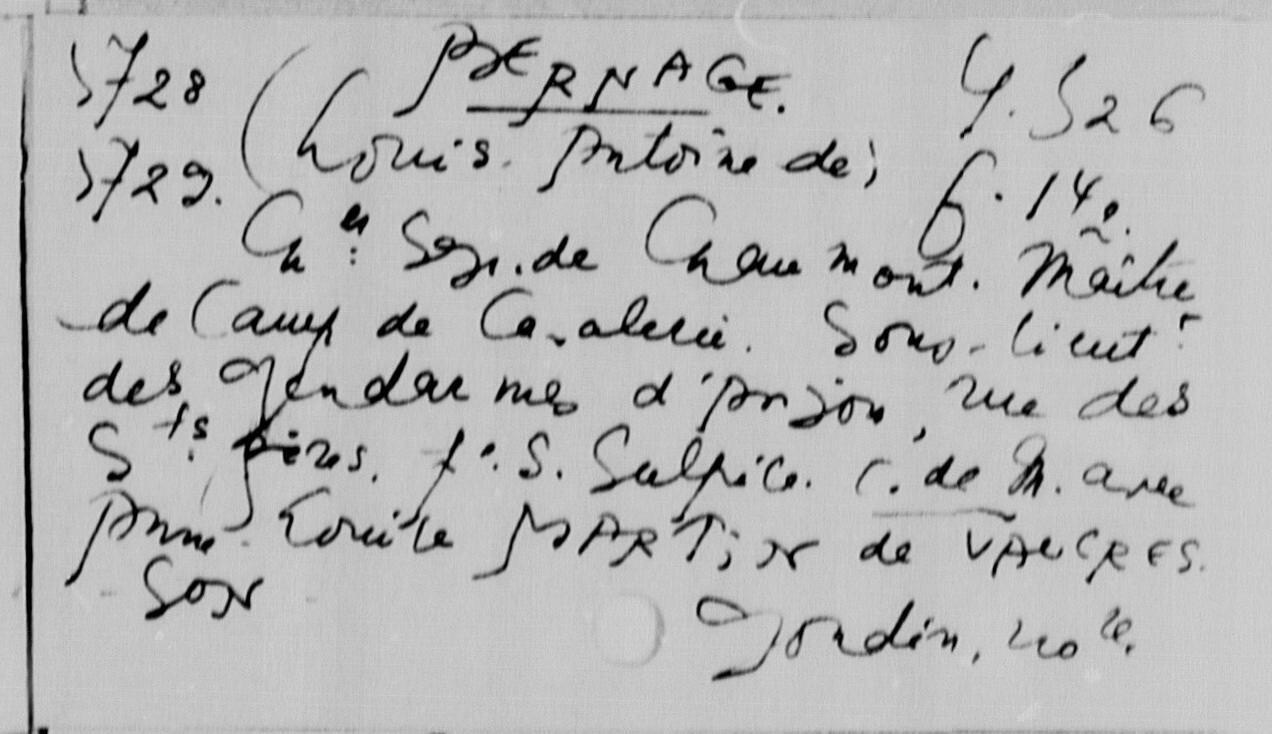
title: BERNAGE (Louis-Antoine de)
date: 1728-1729
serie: Y
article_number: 326
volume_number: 142
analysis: Chevalier seigneur de Chaumont, Maître de camp de Cavalerie Sous-lieutenant des Gendarmes d'Anjou, rue des Saints-Pères, paroisse Saint-Sulpice. Contrat de mariage avec Anne-Louise MARTIN DE VAUCRESSON Jordin, notaire.
